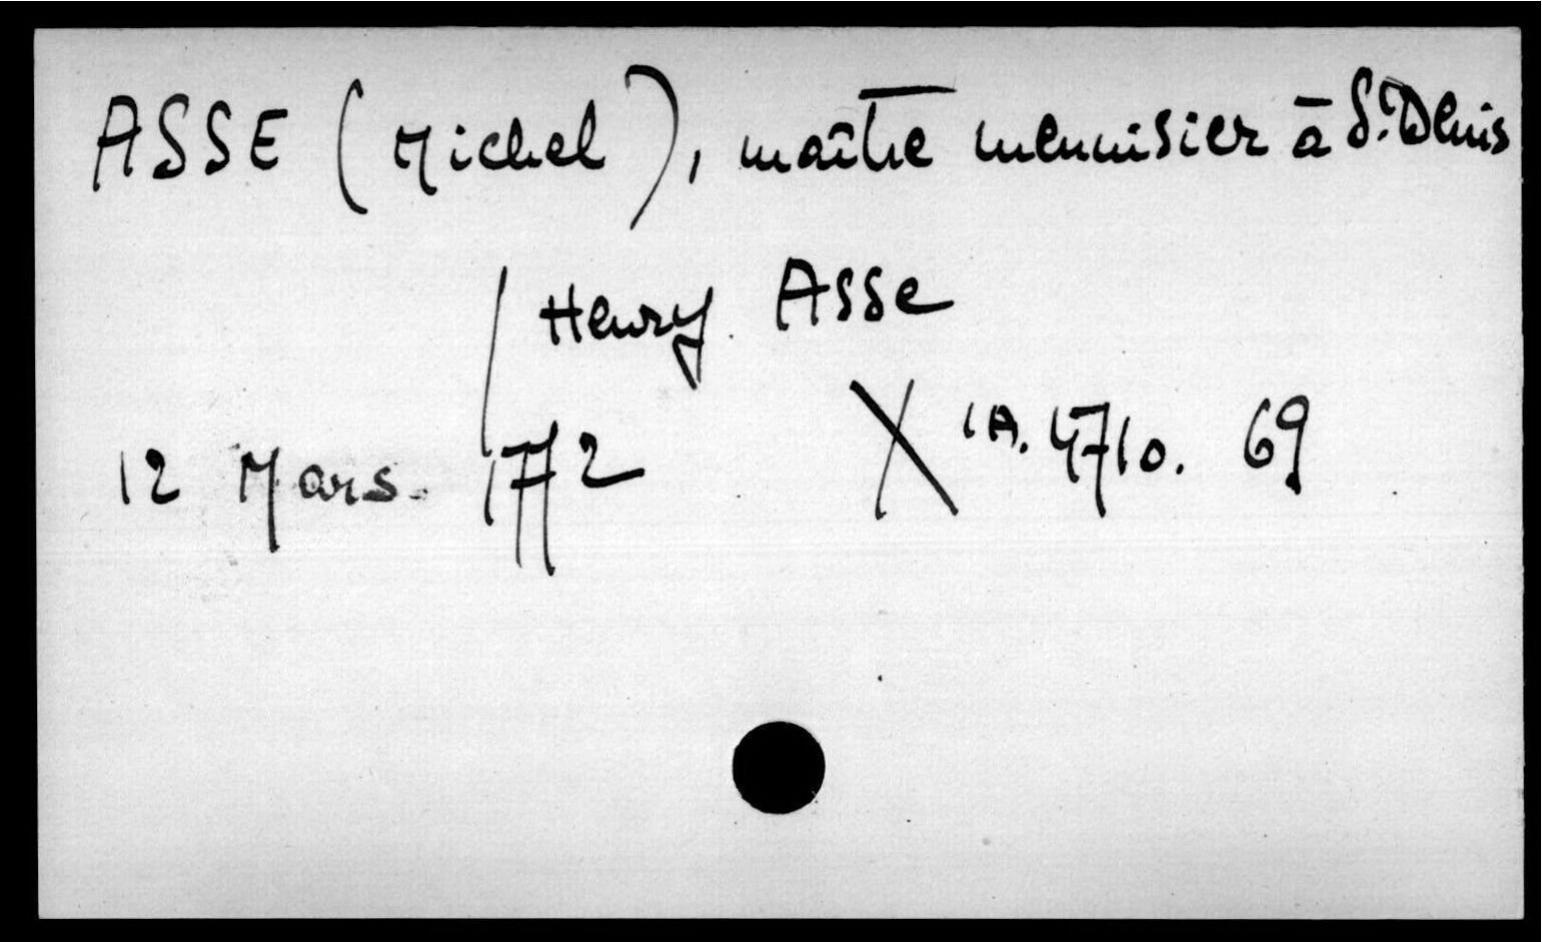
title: ASSE (Michel), maître menuisier à Saint-Denis
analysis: Contre Henry Asse
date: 12 mars 1772
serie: X1A
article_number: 4710
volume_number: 69
